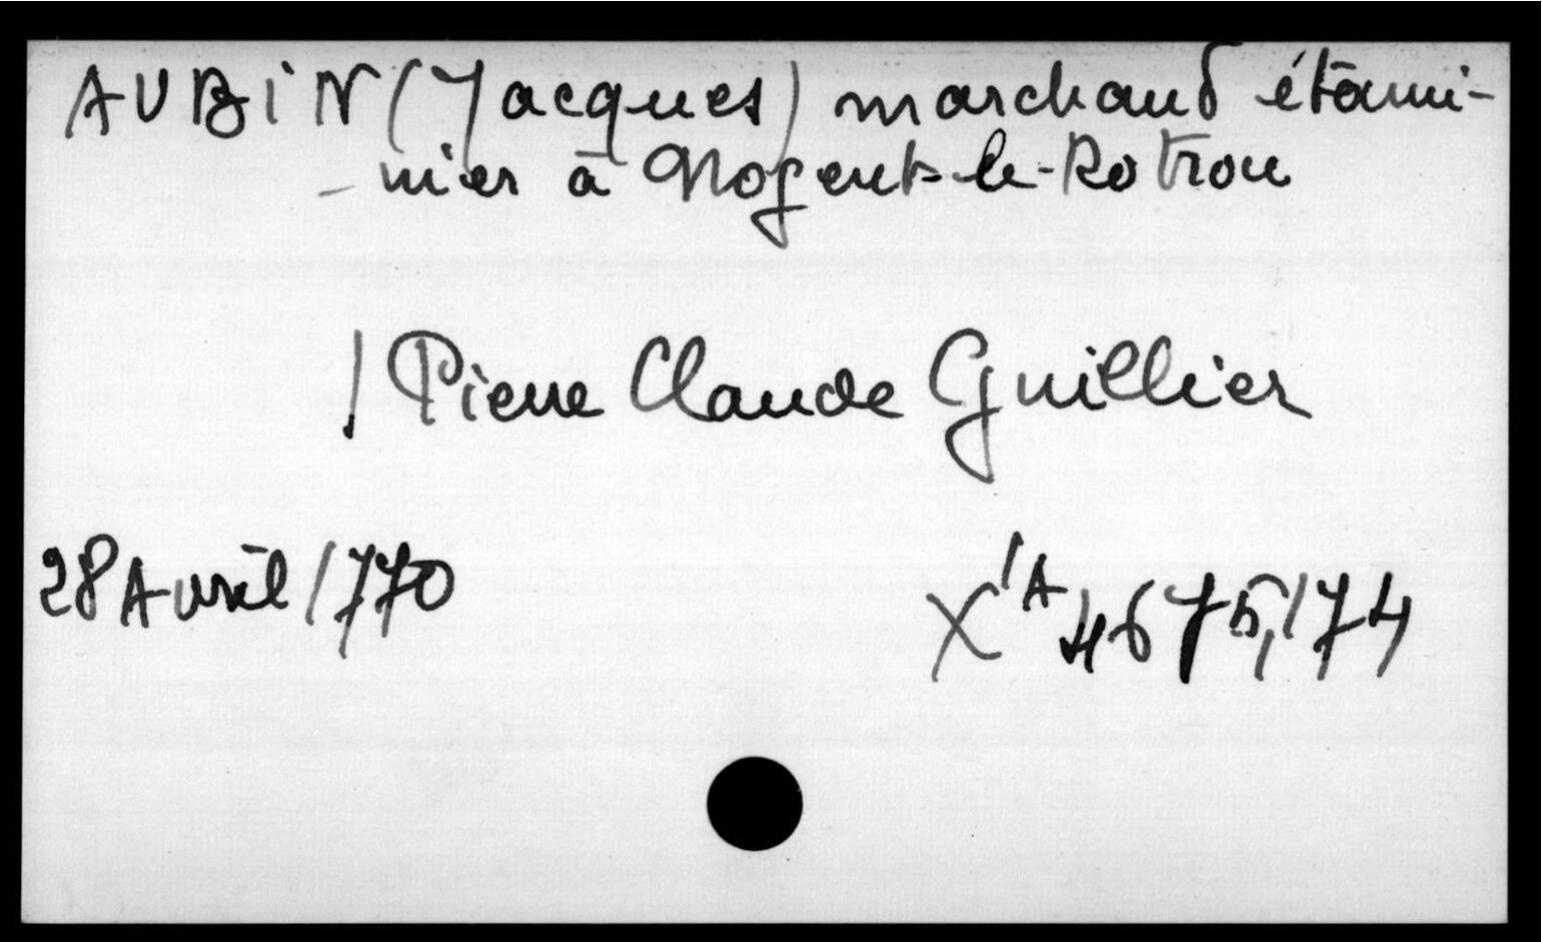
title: AUBIN (Jacques) marchand étaminier à Nogent-le-Rotrou
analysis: Contre Pierre Claude Guillier
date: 28 avril 1770
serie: X1A
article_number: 4676
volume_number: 174
